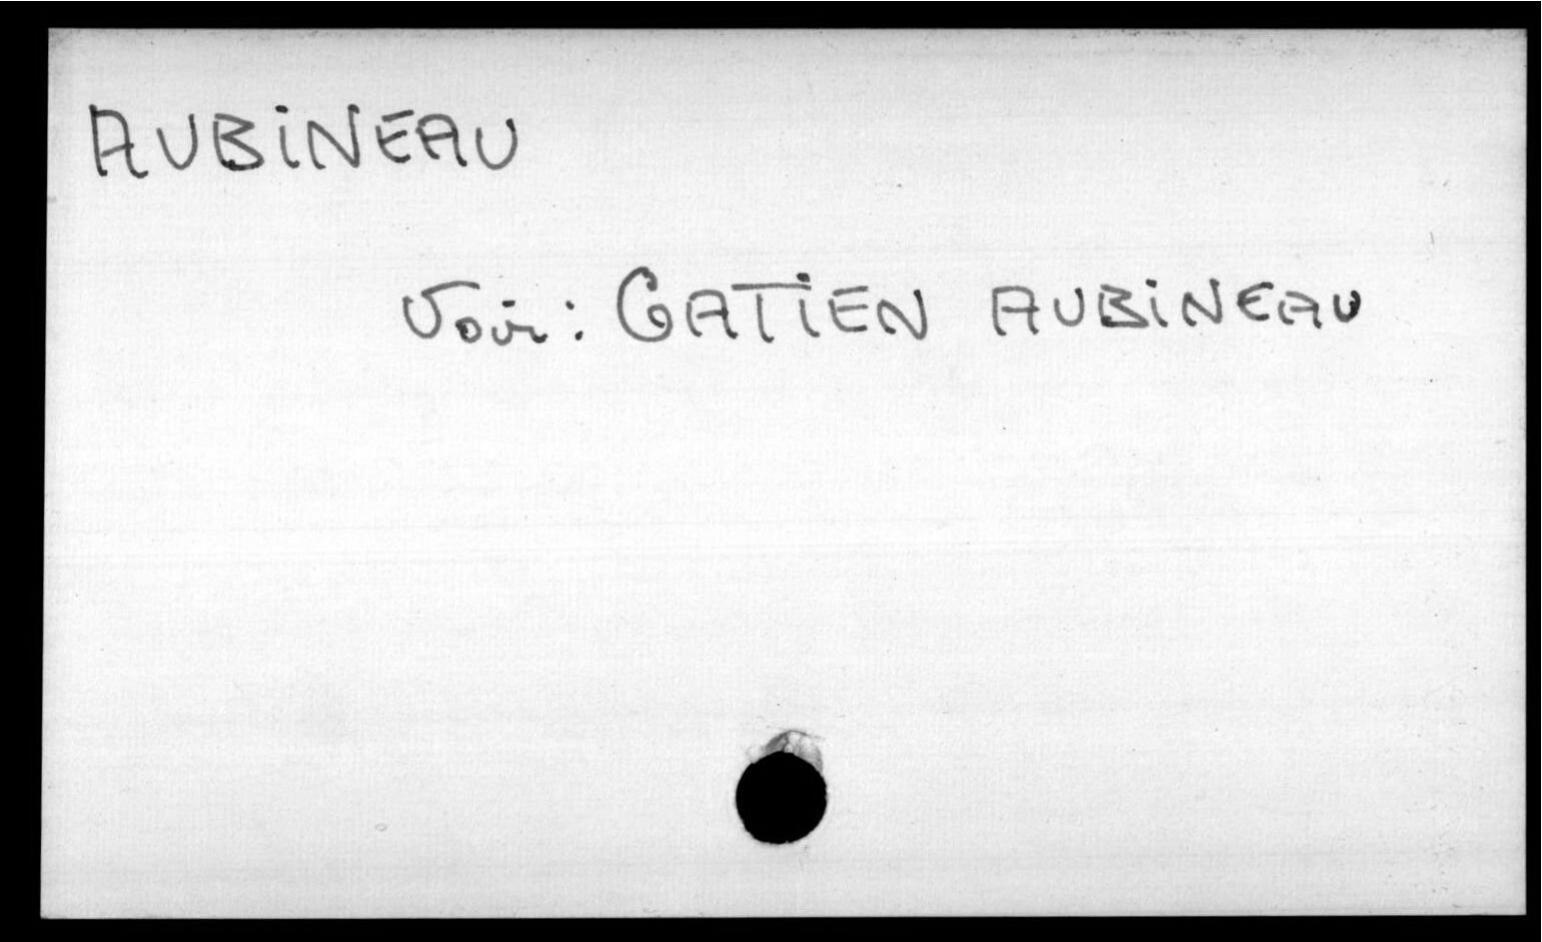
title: AUBINEAU
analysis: Voir : GATIEN AUBINEAU
